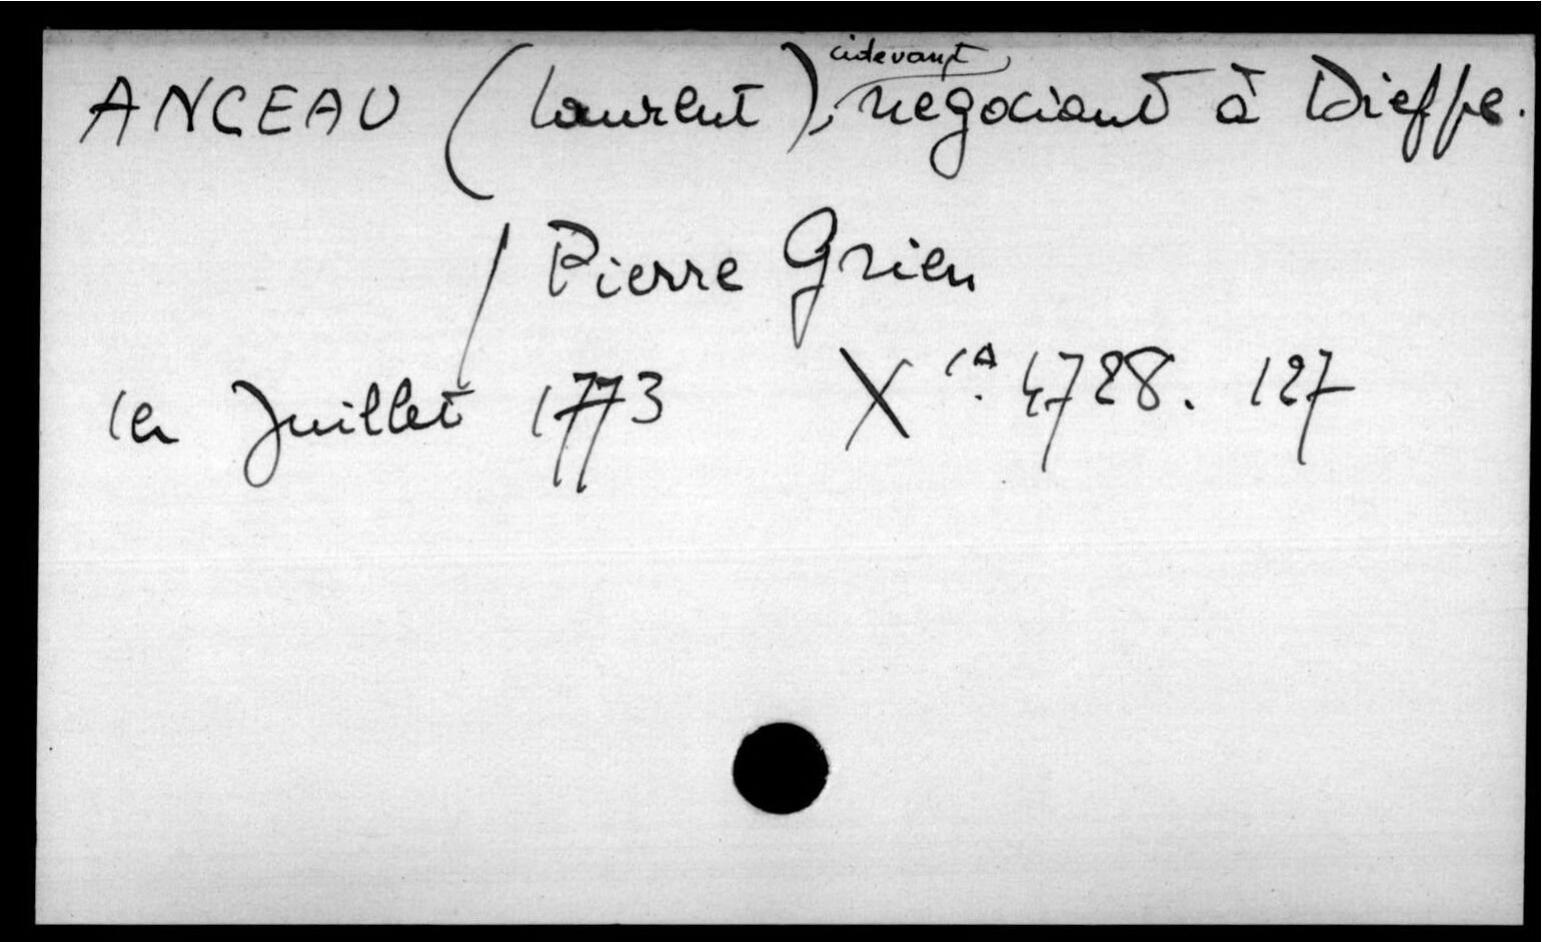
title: ANCEAU (Laurent), cidevant négociant à Dieppe.
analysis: Contre Pierre Grien
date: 1 juillet 1773
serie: X1A
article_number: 4728
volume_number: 127
